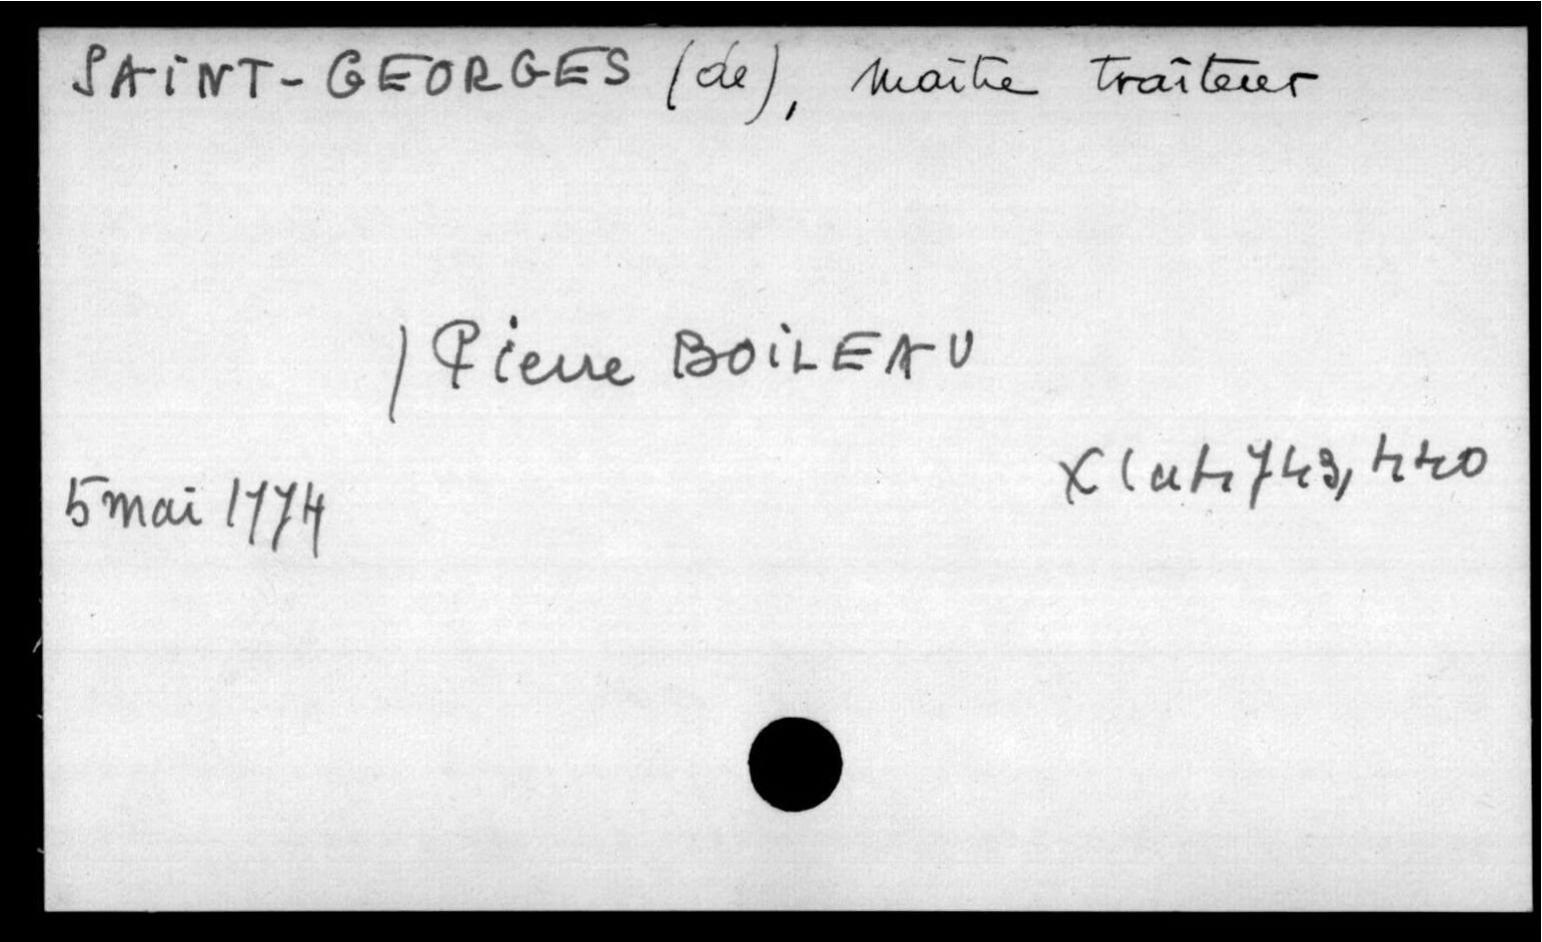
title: SAINT-GEORGES (de), maître traiteur
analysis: Contre Pierre BOILEAU
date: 5 mai 1774
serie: X1a
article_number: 4743
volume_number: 440
